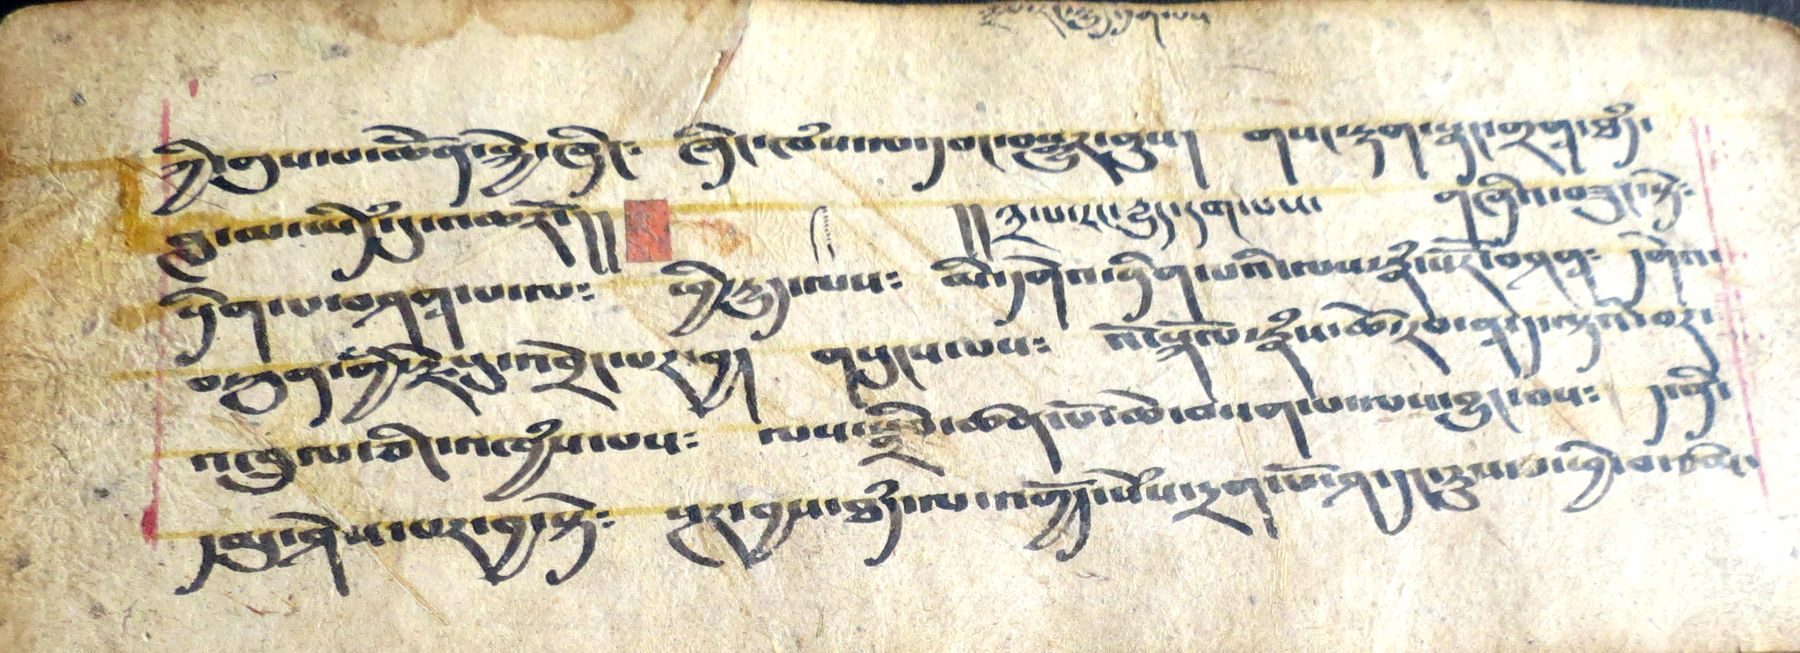ཀྱི་གུས་པ་ཆེན་པོ་སྐྱེ་ཞིང་། ཞིང་ཁམས་ལ་དབང་སྒྱུར་ནུས། གསང་རྟགས་སྣང་གྲགས་ཐམས་ཅད་
བླ་མ་ཡི་དམ་དུ་འཆར་རོ། ། གསུམ་པ་རང་རྒྱུད་དག་པས་གཞི་བཟུང་སྟེ། 
སྡིག་པ་བཤགས་པ་ལ། ཕྱི་རྒྱུད་ལས། མི་དགེ་སྡིག་པའི་ལས་རྣམས་སོ་སོར་བཤགས། དགེ་བ་
ཀུན་ཀྱི་རྗེས་སུ་འབྲེང་པར་བྱ། གསུངས་པས། འོ་སྐོལ་རྣམས་ཚེ་རབས་ནས་ད་ལྟའི་བར་
འཁྲུལ་ཞིང་འཁྱམས་པ་ལས། སྒྲིབ་པ་ཚན་པོ་ཆེ་བསགས་པ་ལས་བྱུང་བས། ད་ནི་
དམུས་ཤེས་པར་བྱ་སྟེ། སྔར་བྱས་ཐམས་ཅད་ལ་འགྱོད་སེམས་དྲག་པོ་ཤ་དང་རུས་པ་བྱེ་བ་ཙམ་